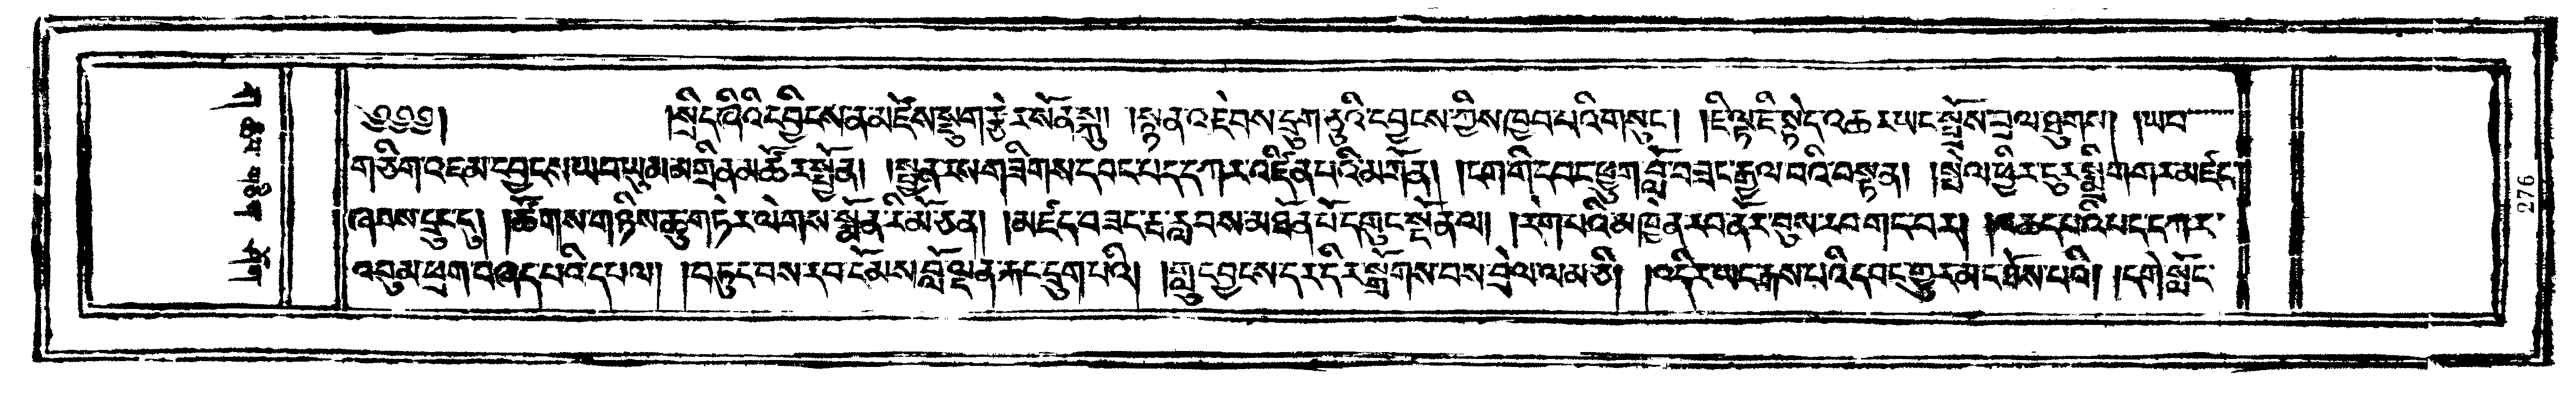༄༅༅། །སྲིད་ཞིའི་དབྱིངས་ན་མཛེས་སྡུག་རྩེར་སོན་སྐུ། །སྙན་འཇེབས་དྲུག་ཅུའི་དབྱངས་ཀྱིས་ཁྱབ་པའི་གསུང་། །ཇི་ལྟ་ཇི་སྙེད་འཆར་ཡང་སྤྲོས་བྲལ་ཐུགས། །ཡབ་
གཅིག་འཇམ་དབྱངས་ཡབ་ཡུམ་མགྲིན་མཚོར་སྤྱོན། །སྤྱན་རས་གཟིགས་དབང་པད་དཀར་འཛིན་པའི་མགོན། །ངག་གི་དབང་ཕུག་བློ་བཟང་རྒྱལ་བའི་བསྟན། །སྤེལ་ཕྱིར་ངུར་སྨྲིག་གར་མཛད་
ཞབས་དྲུང་དུ། །ཚོགས་གཉིས་ཆུ་གཏེར་ལེགས་སྨོན་རི་མོ་ཅན། །མཛད་བཟད་རྦ་རླབས་མཐོན་པོ་དགུང་སྔོན་ལ། །རེག་པའི་མཁྱེན་རབ་ནོར་བུས་རབ་གང་བར། །འཆད་པའི་པད་དཀར་
འབུམ་ཕྲག་བཞད་པའི་དཔལ། །བཏུང་བས་རབ་ངོམས་བློ་ལྡན་རྐང་དྲུག་པའི། །གླུ་དབྱངས་དང་དིར་སྒྲོགས་པས་བྲེལ་ལམ་ཅི། །འདིར་ཡང་ནས་པའི་དབང་གྱུར་མང་ཐོས་པའི་དགེ་སློང་